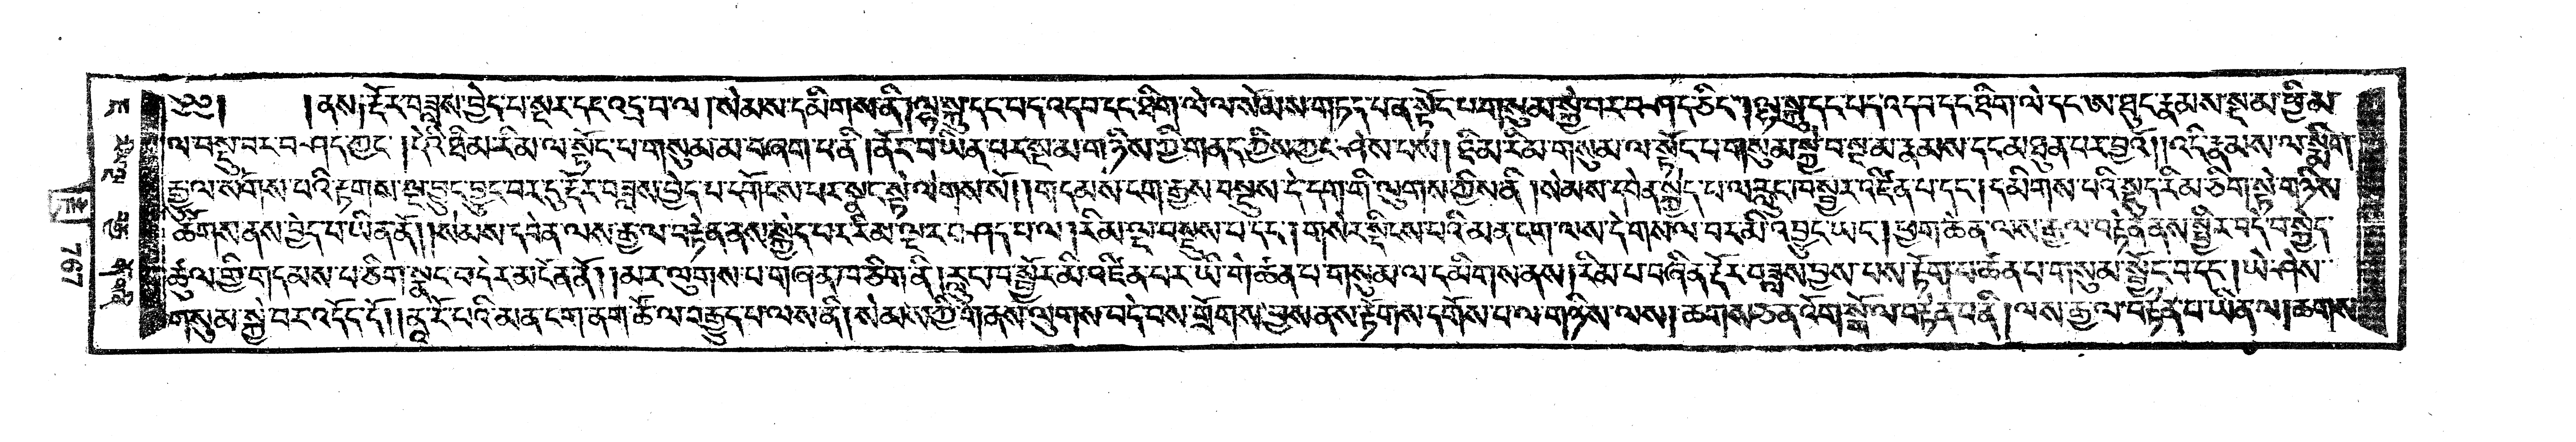༄༅། །ནས། རྡོར་བཟླས་བྱེད་པ་སྔར་དང་འདྲ་བ་ལ། སེམས་དམིགས་ནི། ལྷ་སྐུ་དང་པད་འདབ་དང་ཐིག་ལེ་ལ་སེམས་གཏད་པ་ན་སྟོང་པ་གསུམ་སྐྱེ་བར་བཤད་ཅིང་། ལྷ་སྐུ་དང་པད་འདབ་དང་ཐིག་ལེ་དང་ཨ་ཐུང་རྣམས་སྔ་མ་ཕྱི་མ་
ལ་བསྡུ་བར་བཤད་ཀྱང་། དེའི་ཐིམ་རིམ་ལ་སྟོང་པ་གསུམ་མ་བཞག་པ་ནི། ནོར་པ་ཡིན་པར་སྔ་མ་གཉིས་ཀྱི་གནད་ཀྱིས་ཀྱང་ཤེས་པས། ཐིམ་རིམ་གསུམ་ལ་སྟོང་པ་གསུམ་སྐྱེ་བ་སྔ་མ་རྣམས་དང་མཐུན་པར་བྱའོ། །འདི་རྣམས་ལ་སྨིག་
རྒྱུ་ལ་སོགས་པའི་རྟགས་ལྔ་བྱུང་བྱུང་བར་དུ་རྡོར་བཟླས་བྱེད་པ་དགོངས་པར་སྣང་སྟེ་ལེགས་སོ། །གདམས་ངག་རྒྱས་བསྡུས་དེ་དག་གི་ལུགས་ཀྱིས་ནི། སེམས་སྦེན་སྐྱེད་པ་ལ་རླུང་ཁ་སྤྱར་འཛིན་པ་དང་། དམིགས་པའི་སྡུད་རིམ་ཅིག་སྟེ་གཉིས་
ཚིགས་ནས་བྱེད་པ་ཡིན་ནོ། །སེམས་དབེན་ལས་རྒྱ་ལ་བརྟེན་ནས་སྐྱེད་པར་རིམ་ལྔར་བཤད་པ་ལ། རིམ་ལྔ་བསྡུས་པ་དང་། གསེར་སྡིངས་པའི་མན་ངག་ལས་དེ་གསལ་བར་མི་འབྱུང་ཡང་། ཕྱག་ཆེན་ལས་རྒྱལ་བརྟེན་ནས་སྤྱིར་བདེ་བ་སྐྱེད་
ཚུལ་གྱི་གདམས་པ་ཅིག་སྣང་བ་དེར་མངོན་ནོ། །མར་ལུགས་པ་གཞན་ཁ་ཅིག་ནི། རླུང་ཁ་སྦྱོར་མི་འཛིན་པར་ཡི་གེ་ཚན་པ་གསུམ་ལ་དམིགས་ནས། རིམ་པ་བཞིན་རྡོར་བཟླས་བྱས་པས་རྟོག་པ་ཚན་པ་གསུམ་སྤྱོང་བ་དང་། ཡེ་ཤེས་
གསུམ་སྐྱེ་བར་འདོད་དོ། །ནཱ་རོ་པའི་མན་ངག་ནག་ཚོ་ལ་བརྒྱུད་པ་ལས་ནི། སེམས་ཀྱི་གནས་ལུགས་བདེ་བས་གྲོགས་བྱས་ནས་རྟོགས་དགོས་པ་ལ་གཉིས་ལས། ཆགས་ཅན་འོག་སྒོ་ལ་བརྟེན་པ་ནི། ལས་རྒྱ་ལ་བརྟེན་པ་ཡིན་ལ། ཆགས་